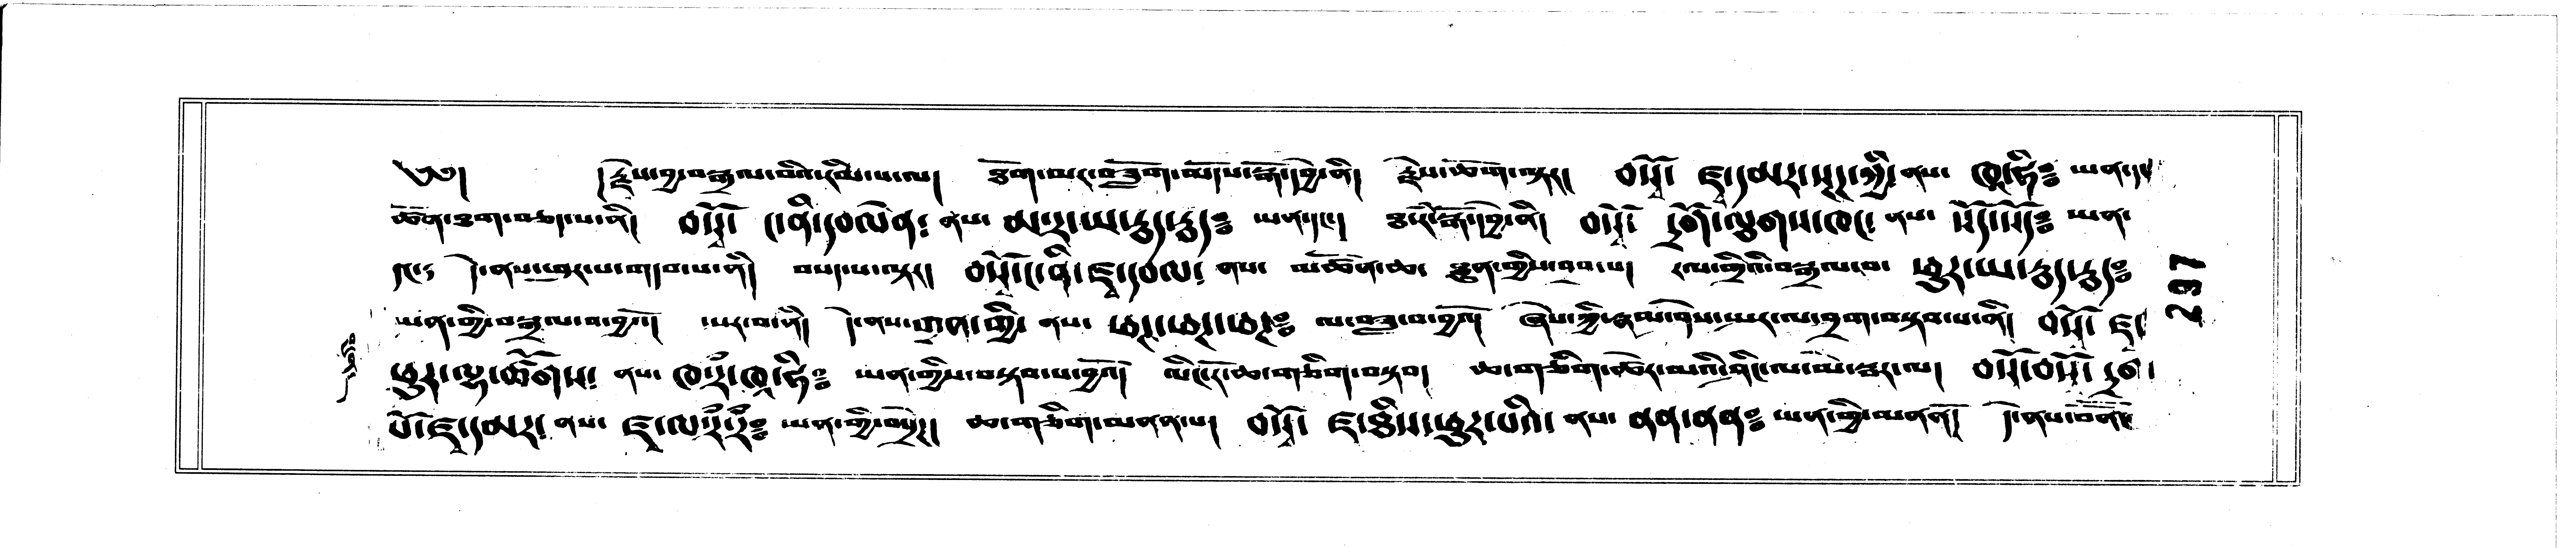རྗེས་བྱ་བསྒྲལ་བའི་རིམ་པ་ལ། ཐོག་མར་བཟློག་མདོས་སྒོ་དབྱེ་ནི། རྗེས་ཆོག་ལྟར། བསྭོ་ཛྭོ་དམར་སྔགས་ཀྱི་ནས་ཁ་ཧིཿ ཡན་དང་། 
ཚོན་ཐག་བཅད་པ་ནི། བསྭོཿ ང་ནི་དབལ་ཆེན་ནས་མ་ར་ཡ་རྦད་རྦདཿ ཡན་དང་། ཐ་རཾ་སྒོ་དབྱེ་ནི། བསྭོཿ དྲག་པོ་ལྕགས་ཁང་ནས་སོད་སོདཿ ཡན་
དང་། དེ་ནས་ཕུར་པ་གདབ་པ་ནི། བསད་པ་ལྟར། བསྭོ་ང་ནི་ཛྭོ་དབལ་ནས་མཚོན་ཆ་ཐུན་གྱིས་བྲབ་པ། རལ་གྲིས་བསྒྲལ་བ་ཕུར་ཡ་རྦད་རྦདཿ 
ཡན་གྱི་བསྒྲལ་བ་བྱའོིཿ སྤར་བ་ནི། དེ་ནས་གྲན་གྱི་ནས་ཕཊ་ཕཊ་ཕཊཿ ལ་བཟླ་བ་བྱའོ། ཞེས་ཀྱི་རྣམ་ཤེས་སྤར་ལ་ཤ་ཁྲག་བསྟབ་པ་ནི། བསྭོཿ ཛྭོ་
ཕུར་ལྷ་ཚོགས་ནས་ཁ་རཾ་ཁ་ཧིཿ ཡན་གྱིས་བསྟབ་པ་བྱའོ། ལིང་རོ་ཆ་གཅིག་བསྟབ། ཆ་གཅིག་ཚེར་མའི་ཤིང་ལ་མེ་སྤར་ལ། བསྭོ་བསྭོ་དྲག་
པོ་ཛྭོ་དམར་ནས་ཛྭ་ལ་རཾ་རཾཿ ཡན་གྱིས་བསྲེགས། ཆ་གཅིག་མནན་པ། བསྭོ་ཛོ་ཐིས་ཕུར་པའི་ནས་ནན་ནནཿ ཡན་གྱིས་མནན་ནོ། དེ་ནས་བོན་སྐྱོང་